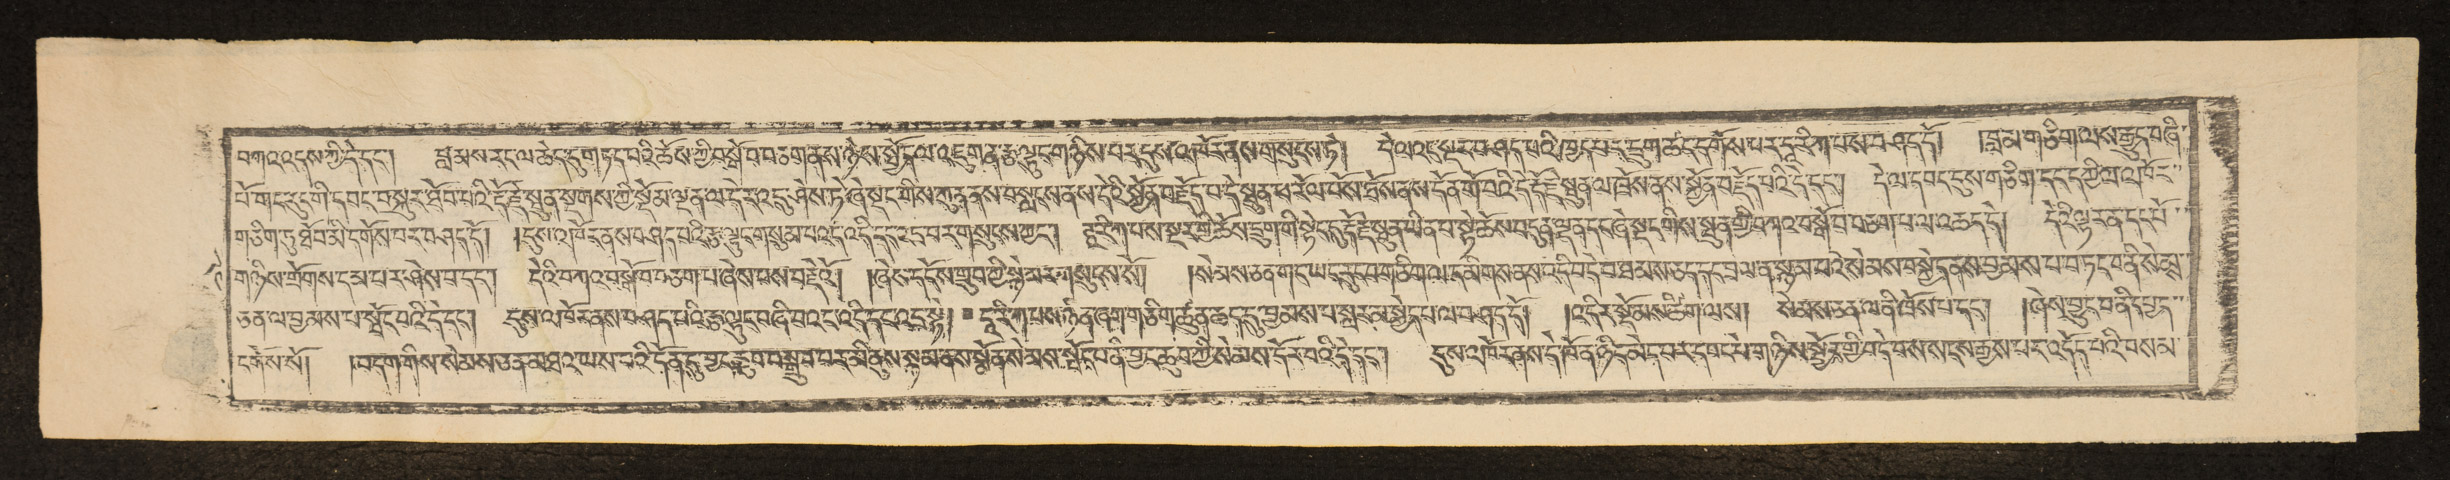བཀའ་འདས་ཀྱི་དེ་དང་། བླ་མས་རང་ལ་ཆེད་དུ་གཏད་པའི་ཆོས་ཀྱི་བསྒོ་བ་བཅག་ནས་ཉེས་སྤྱོད་ལ་འཇུག་ན་རྩ་ལྟུང་གཉིས་པར་དུས་འཁོར་ནས་གསུངས་ཏེ། དེ་ལའང་སྔར་བཤད་པའི་ཁྱད་པར་དྲུག་ཚད་དགོས་པར་དཱ་རིཀ་པས་བཤད་དོ། །བླ་མ་གཅིག་ལས་རྒྱུད་བཞི་
པོ་གང་རུང་གི་དབང་བསྐུར་ཐོབ་པའི་རྡོ་རྗེ་སྤུན་སྔགས་ཀྱི་སྔོམ་ལྡན་ལ་དེར་འདུ་ཤེས་ཏེ་ཞེ་སྡང་གིས་ཀུན་ནས་བསླངས་ནས་དེའི་སྐྱོན་བརྗོད་པ་དེ་ཐུན་ཕ་རོལ་བོས་ཐོས་ནས་དོན་གོ་བའི་དེ་རྡོ་རྗེ་སྤུན་ལ་ཁྲོས་ནས་སྐྱོན་བརྗོད་པའི་དེ་དང་། དེ་ལ་དབང་དུས་གཅིག་དང་དཀྱིལ་འཁོར་
གཅིག་ཏུ་ཐོབ་མི་དགོས་པར་བཤད་དོ། །དུས་འཁོར་ནས་བཤད་བའི་རྩ་ལྟུང་གསུམ་པའང་འདི་དང་འདྲ་བར་གསུངས་ཀྱང་། ཊཱ་རིཀ་པས་སྔར་གྱི་ཆོས་དྲུག་གི་སྟེང་དུ་རྡོ་རྗེ་སྤུན་ཡིན་པ་སྟེ་ཆོས་བདུན་ལྡན་དང་ཞེ་སྡང་གིས་སྤུན་གྱི་བཀའ་བསྒོ་བ་བཅག་པ་ལ་འཆད་དེ། དེའི་ལྟར་ན་དང་པོ་
གཉིས་གྲོགས་དམ་པར་ཤེས་པ་དང་། དེའི་བཀའ་བསྒོ་བ་བཅག་པ་ཞེས་པས་བརྗེའོ། །ཞེས་དངོས་གྲུབ་ཀྱི་སྙེ་མར་གསུངས་སོ། །སེམས་ཅན་གང་ཡང་རུང་བ་གཅིག་ལ་དམིགས་ནས་འདི་བདེ་བ་ཐམས་ཅད་དང་བྲལ་ན་སྙམ་པའི་སེམས་བསྐྱེད་ནས་བྱམས་པ་བཏང་བ་ནི་སེམས་
ཅན་ལ་བྱམས་པ་སྤོང་བའི་དེ་དང་། དུས་འཁོར་ནས་བཤད་པའི་རྩ་ལྟུང་བཞི་བའང་འདི་དང་འདྲ་སྟེ། དཱ་རིཀ་པས་ཉིན་ཞག་གཅིག་ཚུན་ཆད་དུ་བྱམས་པ་སླར་མ་སྐྱེད་པ་ལ་བཤད་དོ། །འདིར་སྔོམས་ཚིག་ལས། སེམས་ཅན་ལ་ནི་ཁྲོས་པ་དང་། །ཞེས་བྱུང་བ་ནི་དཔྱད་
དགོས་སོ། །བདག་གིས་སེམས་ཅན་མཐའ་ཡས་པའི་དོན་དུ་བྱང་ཆུབ་བསྒྲུབ་པར་མི་ནུས་སྙམ་ནས་སྨོན་སེམས་སྤོང་བ་ནི་བྱང་ཆུབ་ཀྱི་སེམས་དོར་བའི་དེ་དང་། དུས་འཁོར་ནས་དེ་ཁོ་ན་ཉིད་མེད་པར་དབང་པོ་གཉིས་སྦྱོར་གྱི་བདེ་བས་སངས་རྒྱས་པར་འདོད་པའི་བསམ་